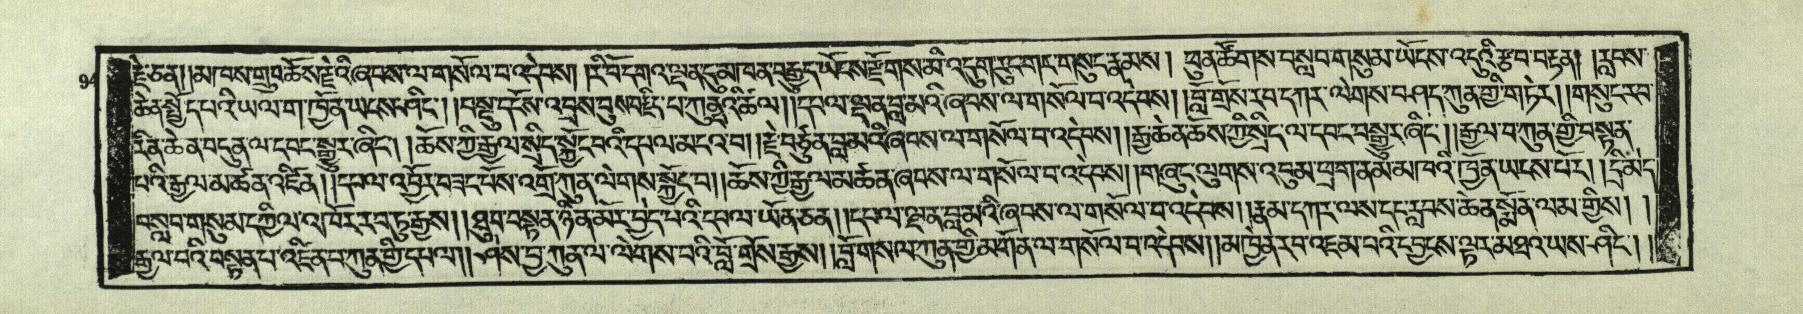རྗེ་ཅན། །མཁས་གྲུབ་ཆོས་རྗེའི་ཞབས་ལ་གསོལ་བ་འདེབས། །རི་བོ་དགའ་ལྡན་དུ་མཁན་བརྒྱུད་ཡོངས་རྫོགས་མི་འདུག་རུང་གང་གསུང་རྣམས། ཕུན་ཚོགས་བསླབ་གསུམ་ཡོངས་འདུའི་རྩབ་བརྟན། །རླབས་
ཆེན་སྤྱོད་པའི་ཡལ་ག་ཁྱོན་ཡངས་ཤིང་། །བསྡུ་དངོས་འབྲས་བུས་བརྗིད་པ་ཀུནྡཱི་ཚལ། །དཔལ་ལྡན་བླ་མའི་ཞབས་ལ་གསོལ་བ་འདེབས། །བློ་གྲོས་རབ་དཀར་ལེགས་བཤད་ཀུན་གྱི་གཏེར། །གསུང་རབ་
རིན་ཆེན་བདུན་ལ་དབང་སྒྱུར་ཞིང་། །ཆོས་ཀྱི་རྒྱལ་སྲིད་སྐྱོང་བའི་དཔལ་མངའ་བ། །རྗེ་བཙུན་བླ་མའི་ཞབས་ལ་གསོལ་བ་འདེབས། །རྒྱ་ཆེན་ཆོས་ཀྱི་སྲིད་ལ་དབང་བསྒྱུར་ཞིང་། །རྒྱལ་བ་ཀུན་གྱི་བསྟན་
པའི་རྒྱལ་མཚན་འཛིན། །དཔལ་འབྱོར་བཟང་པོས་འགྲོ་ཀུན་ལེགས་སྐྱོང་བ། །ཆོས་ཀྱི་རྒྱལ་མཚན་ཞབས་ལ་གསོལ་བ་འདེབས། །གཞུང་ལུགས་འབུམ་ཕྲག་ནམ་མཁའི་ཁྱོན་ཡངས་པོར། །དྲི་མེད་
བསླབ་གསུམ་དཀྱིལ་འཁོར་རབ་ཏུ་རྒྱས། །ཐུབ་བསྟན་ཉིན་མོར་བྱེད་པའི་དཔལ་ཡོན་ཅན། །དཔལ་ལྡན་བླ་མའི་ཞབས་ལ་གསོལ་བ་འདེབས། །རྣམ་དཀར་ལས་དང་རླབས་ཆེན་སྨོན་ལམ་གྱིས། །
རྒྱལ་བའི་བསྟན་པ་འཛིན་པ་ཀུན་གྱི་དཔལ། །ཤེས་བྱ་ཀུན་ལ་ལེགས་པའི་བློ་གྲོས་རྒྱས། །བློ་གསལ་ཀུན་གྱི་མགོན་ལ་གསོལ་བ་འདེབས། །མཁྱེན་རབ་འཇམ་པའི་དབྱངས་ལྟར་མཐའ་ཡས་ཤིང་། །